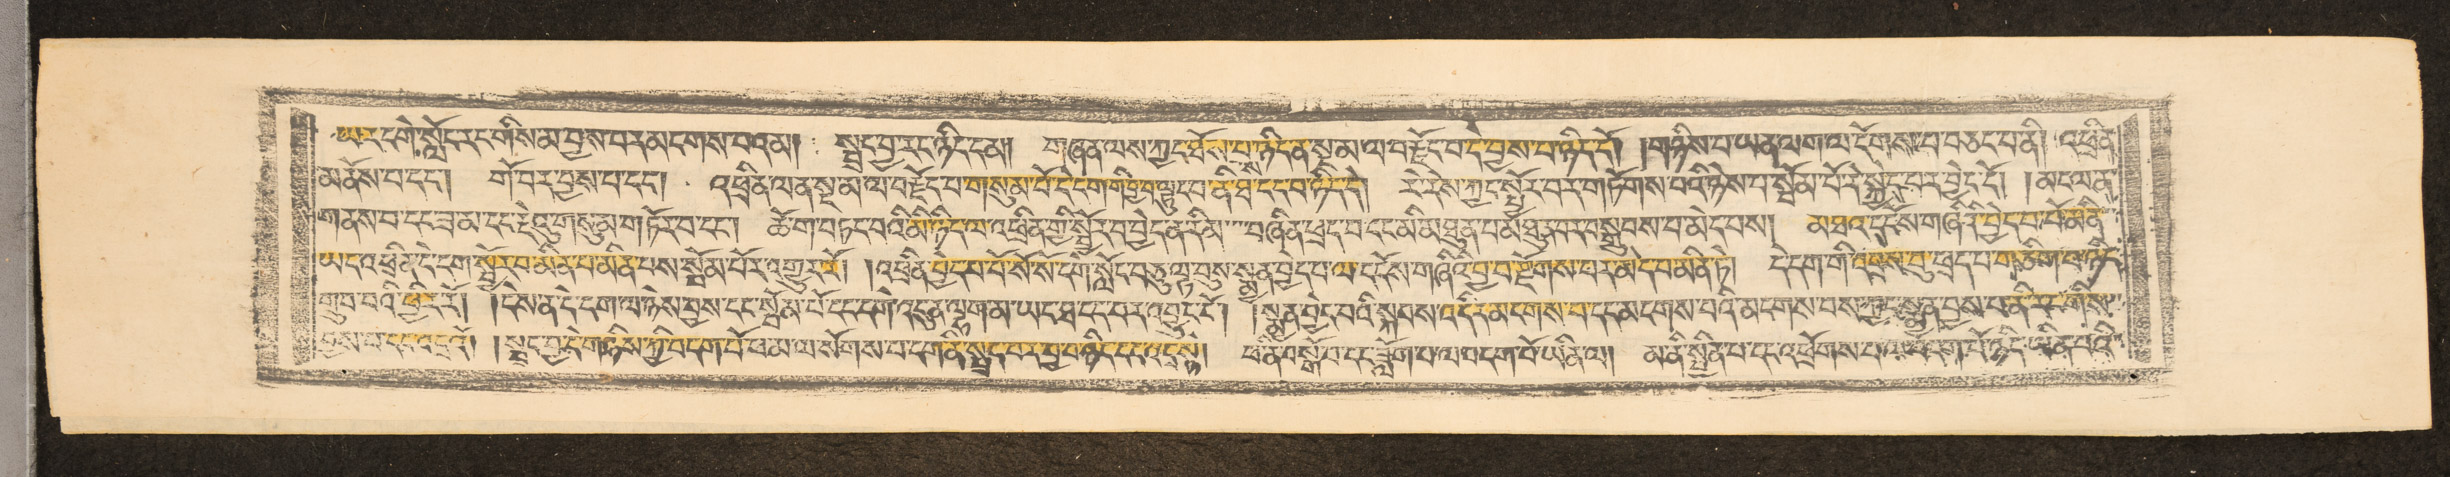ཡར་དགེ་སློང་རང་གིས་མ་བྱས་པར་མངགས་པའམ། སྤྲད་བྱ་རང་ཉིད་དམ། གཞན་ལས་ཁྱད་ཐོས་པ་ཉིད་ན་སྔ་མ་ལ་བརྗོད་པ་དེ་བྱས་པ་ཉིད་དོ། །གཉིས་པ་ཡན་ལག་ལ་དོགས་པ་བཅད་པ་ནི། འཕྲིན་
མནོས་པ་དང་། གོ་བར་བྱས་པ་དང་། འཕྲིན་ལན་སྔ་མ་ལ་བརྗོད་པ་གསུམ་པོ་དེ་དག་གི་བྱ་བ་ལྟུང་བ་ནི་ཐ་དད་པ་ཉིད་དེ། རེ་རེས་ཀྱང་སྦྱོར་བར་གཏོགས་པའི་ཉེས་པ་སྦོམ་པོ་རེ་སྐྱེད་པར་བྱེད་དོ། །མངལ་ན་
གནས་པ་དང་ཟ་མ་དང་རྡེའུ་གསུམ་གཏོར་བ་དང་། ཆོ་ག་བཏང་བའི་མི་ཉིད་ལ་འཕྲིན་གྱི་སྦྱོར་བ་བྱེད་ན་རིམ་བཞིན་ཕྲད་པ་དང་མི་མཐུན་པ་མཐུན་བར་བསྒྲུབས་པ་མེད་པས། མཐའ་དངོས་གཞིའི་བྱེད་པ་པོ་མིན་
ཡང་འཕྲིན་དེ་དག་སྦྱོར་བ་མིན་པ་མིན་བས་སྦོམ་པོར་འགྱུར་རོ། །འཕྲིན་བྱེད་པ་པོ་སོ་སོ་དགེ་སློང་བཅུ་ལྟ་བུས་སྨྱན་བྱེད་བ་ལ་དངོས་གཞིའི་བྱ་བ་རྫོགས་བར་མེད་པ་མིན་ཏེ། དེ་དག་གི་འབྲས་བུ་ཕྲད་པ་གཅིག་པ་ཉིད་
གྲུབ་བའི་ཕྱིར་རོ། །དེས་ན་དེ་དག་ལ་ཉེས་བྱས་དང་སྦོམ་པོ་དང་དགེ་འདུན་ལྷག་མ་ཡང་ཐ་དད་པར་འབྱུང་ངོ། །སྨྱན་བྱེད་པའི་སྐབས་འདིར་མངགས་པ་དང་མངགས་བའི་མངགས་པས་ཀྱང་སྨྱན་བྱས་པ་ནི་རང་གིས་
བྱས་པ་དང་འདྲའོ། །སྤྲད་བྱ་དེ་གཉིས་ཀྱི་བདག་པོ་ཕ་མ་ལ་སོགས་པ་དག་ནི་སྤྲད་པར་བྱ་བ་ཉིད་དང་འདྲ་སྟེ། ཕ་ནི་བསྒོ་བ་དང་ཟློག་པ་ལ་བདག་པོ་ཡིན་ལ། མ་ནི་སྦྱིན་པ་དང་འཕྲོགས་པ་ལ་བདག་པོ་ཉིད་ཡིན་པའི་